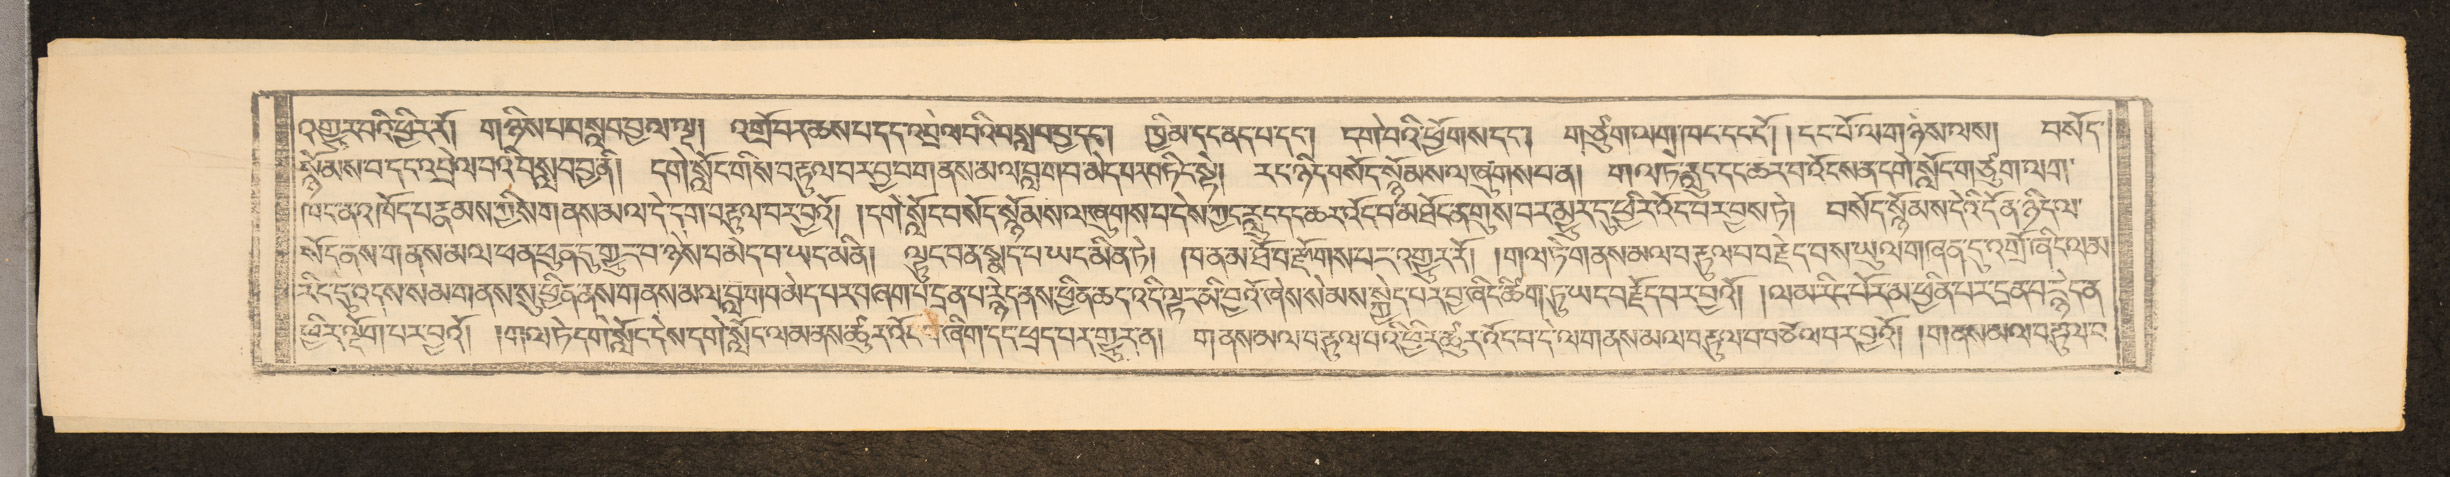འགྱུར་བའི་ཕྱིར་རོ། །གཉིས་པ་བསླབ་བྱ་ལ་ལྔ། འགྲོ་བར་ཆས་པ་དད་འབྲེལ་བའི་བསླབ་བྱ་དང་། ཁྱིམ་དང་ནད་པ་དང་། དགེ་བའི་ཕྱོགས་དང་། གཙུག་ལག་ཁང་དང་ངོ། །དང་པོ་ལ་གཉིས་ལས། བསོད་
སྙོམས་པ་དང་འབྲེལ་བའི་བསླབ་བྱ་ནི། དགེ་སློང་གིས་བརྟུལ་བར་བྱ་བ་གནས་མལ་བླ་ག་བ་མེད་པར་བཏིང་སྟེ། རང་ཉིད་བསོད་སྙོམས་ལ་ཞུགས་པ་ན། གལ་ཏེ་རླུང་དང་ཆར་བ་འོངས་ན་དགེ་སློང་གཙུག་ལག་
ཁང་ན་འཁོད་པ་རྣམས་ཀྱིས་གནས་མལ་དེ་དག་བརྟུལ་བར་བྱའོ། །དགེ་སློང་བསོད་སྙོམས་ལ་ཞུགས་པ་དེས་ཀྱང་རླུང་དང་ཆར་འོང་བ་མཐོང་ན་གུས་པར་མྱུར་དུ་ཕྱིར་འོང་བར་བྱས་ཏེ། བསོད་སྙོམས་དེའི་དོན་ཉིད་ལ་
སོང་ནས་གནས་མལ་ཕན་ཕུན་དུ་གྱུར་པ་ཉེས་པ་མེད་པ་ཡང་མིན། ལྟུང་བ་ན་སྨད་པ་ཡང་མིན་ཏེ། ཁ་ན་མ་ཐོ་བ་རྫོགས་པར་འགྱུར་རོ། །གལ་ཏེ་གནས་མལ་བརྟུལ་བ་བརྗེད་པས་ཡུལ་གཞན་དུ་འགྲོ་ཞིང་ལམ་
རིང་དུ་འདས་སམ་གནས་སུ་ཕྱིན་ནས་གནས་མལ་བླ་གབ་མེད་པར་བཞག་པ་དྲན་པ་རྙེད་ནས་ཕྱིན་ཆད་འདི་ལྟར་མི་བྱའོ་ཞེས་སེམས་སྐྱེད་པར་བྱ་ཞིང་ཚིག་ཏུ་ཡང་བ་རྗོད་པར་བྱའོ། །ལམ་རིང་པོར་མ་ཕྱིན་པར་དྲན་པ་རྙེད་ན་
ཕྱིར་ལྡོག་པར་བྱའོ། །གལ་ཏེ་དགེ་སློང་དེས་དགེ་སློང་ལམ་ནས་ཚུར་འོང་བ་ཞིག་དང་ཕྲད་པར་གྱུར་ན། གནས་མལ་བརྟུལ་བའི་ཕྱིར་ཚུར་འོང་བ་དེ་ལ་གནས་མལ་བརྟུལ་བ་བཅོལ་བར་བྱའོ། །གནས་མལ་བརྟུལ་བ་